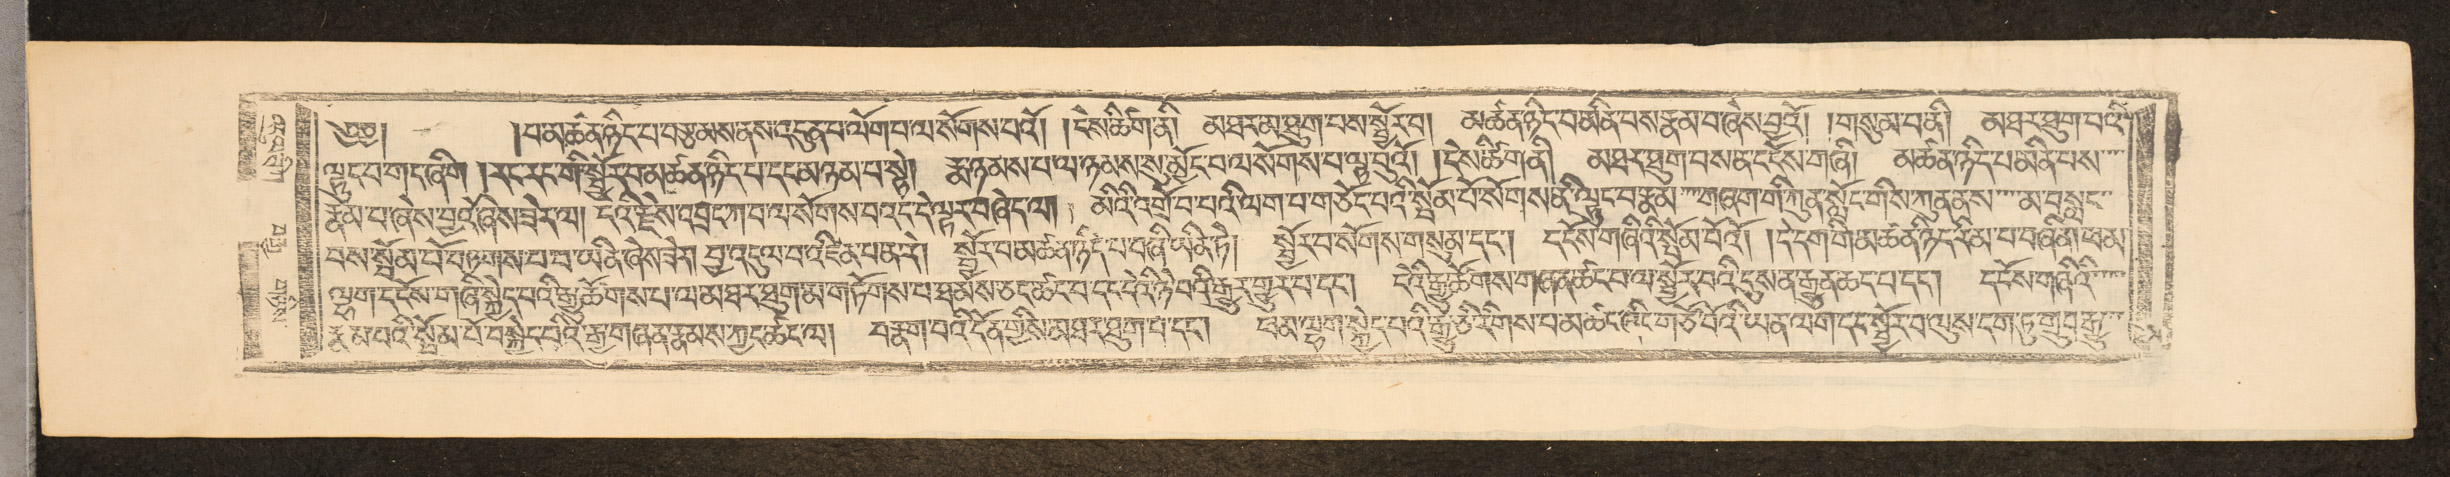༄༅། །པ་མཚན་ཉིད་པ་བརྩམས་ནས་འདུན་པ་ལོག་པ་ལ་སོགས་པའོ། །ངེས་ཚིག་ནི། མཐར་མ་ཐུག་པས་སྦྱོར་བ། མཚན་ཉིད་པ་མིན་པས་རྣམ་པ་ཞེས་བྱའོ། །གསུམ་པ་ནི། མཐར་ཐུག་པའི་
ལྟུང་བ་གང་ཞིག །རང་རང་གི་སྦྱོར་བ་མཚན་ཉིད་པ་དང་མཉམ་པ་སྟེ། རྨ་ཉམས་པ་ལ་ཉམས་སུ་མྱོང་བ་ལ་སོགས་པ་ལྟ་བུའོ། །དེས་ཚིག་ནི། མཐར་ཐུག་བས་ན་དངོས་གཞི། མཚན་ཉིད་པ་མིན་པས་
རྣམ་པ་ཞེས་བྱའོ་ཞེས་ཟེར་ལ། དེའི་རྗེས་འབྲང་ཀ་བ་ལ་སོགས་པའང་དེ་ལྟར་བཞེད་ལ། མིའི་འགྲོ་བ་པའི་ལག་པ་གཅོད་པའི་སྦོམ་པོ་སོགས་ནི་ལྟུང་བ་རྣམ་གཞག་གི་ཀུན་སློང་གིས་ཀུན་ནས་མ་བསླང་
བས་སྦོམ་པོ་བཏགས་པ་པ་ཡིན་ཞེས་ཟེར། བྱ་འདུལ་བ་འཛིན་པ་ན་རེ། སྦྱོར་བ་མཚན་ཉིད་བ་བཞི་ཡིན་ཏེ། སྦྱོར་བ་སོགས་གསུམ་དང་། དངོས་གཞིའི་སྦོམ་བོའོ། །དེ་དག་གི་མཚན་ཉིད་རིམ་པ་བཞིན། ཕམ་
ལྷག་དངོས་གཞི་སྐྱེད་པའི་རྒྱུ་ཚོགས་པ་ལ་མཐར་ཐུག་མ་གཏོགས་པ་ཐམས་ཅད་ཚང་བ་དང་དེའི་ཉེ་བའི་རྒྱུར་གྱུར་པ་དང་། དེའི་རྒྱུ་ཚོགས་གཞན་ཚང་བ་ལ་སྦྱོར་བའི་དུས་ན་རྒྱུན་ཆད་པ་དང་། དངོས་གཞིའི་
རྣམ་པའི་སྦོམ་པོ་བསྐྱེད་པའི་རྒྱུ་གཞན་རྣམས་ཀྱང་ཚང་ལ། བརྣག་པའི་དོན་གྱིས་མཐར་ཐུག་པ་དང་། ཕམ་ལྷག་སྐྱེད་པའི་རྒྱུ་ཅི་རིགས་པ་མཚང་ཞིང་གཙོ་བོའི་ཡན་ལག་དང་སྦྱོར་བ་ལུས་ངག་ཏུ་གྲུབ་རྒྱུ་